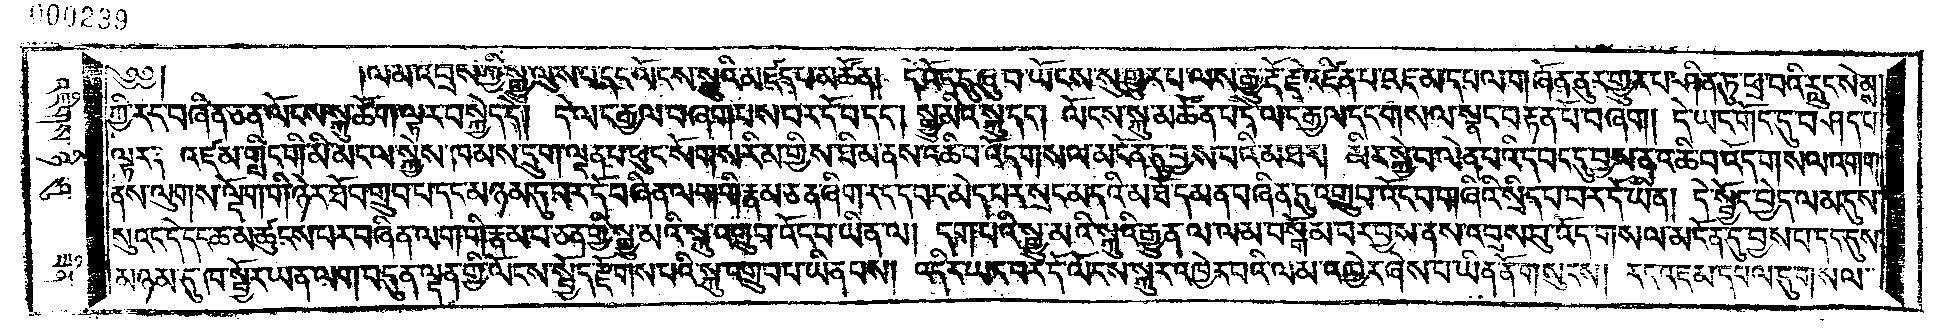༄༅། །ལམ་འབྲས་ཀྱི་སྒྱུ་ལུས་པ་དང་ལོངས་སྐུའི་མཛད་པ་མཚོན། དེ་འོད་དུ་ཞུ་བ་ཡོངས་སུ་གྱུར་པ་ལས་རྒྱུ་རྡོ་རྗེ་འཛིན་པ་འཇམ་དཔལ་གཞོན་ནུར་གྱུར་པ་ཤིན་ཏུ་ཕྲ་བའི་རླུང་སེམས་
ཀྱི་རང་བཞིན་ཅན་ལོངས་སྐུ་ཆོ་ག་ལྟར་བསྐྱེད་དོ། དེ་ལ་ང་རྒྱལ་བཞག་པས་བར་དོ་བ་དང་། སྒྱུ་མའི་སྐུ་དང་། ལོངས་སྐུ་མཚོན་པ་དེ་ལ་ང་རྒྱལ་དང་གསལ་སྣང་བརྟན་པོ་བཞག །དེ་ཡང་གོང་དུ་བཤད་པ་
ལྟར༑ འཛམ་གླིང་གི་མི་མང་ལ་སྐྱེས་ཁམས་དྲུག་ལྡན་པ་ཕུང་སོགས་རིམ་གྱིས་ཐིམ་ནས་འཆི་བ་འོད་གསལ་མངོན་དུ་བྱས་པའི་མཐར། མིར་སྐྱེ་བ་ལེན་པའི་དབང་དུ་བྱས་ན་འཆི་བ་འོད་གསལ་འགག་
ནས་ལུགས་ལྡོག་གི་ཉེར་ཐོབ་གྲུབ་པ་དང་མཉམ་དུ་བར་དོ་བཞིན་ལག་གི་རྣམ་ཅན་ཞིག་རང་དབང་མེད་པར་སྲང་མདའི་མཐོ་དམན་བཞིན་དུ་འགྲུབ་འོང་བ་གཞིའི་སྲིད་པ་བར་དོ་ཡིན། དེ་སྦྱོང་བྱེད་ལམ་དུས་
སུའང་དེ་དང་ཆ་མཚུངས་པར་བཞིན་ལག་གི་རྣམ་པ་ཅན་གྱི་སྒྱུ་མའི་སྐུ་འགྲུབ་འོང་བ་ཡིན་ལ། དག་པའི་སྒྱུ་མའི་སྐུའི་རྒྱུན་ལ་ལམ་བསྒོམ་པར་བྱས་ནས་འབྲས་བུ་འོད་གསལ་མངོན་དུ་བྱས་པ་དང་དུས་
མཉམ་དུ་ཁ་སྦྱོར་ཡན་ལག་བདུན་ལྡན་གྱི་ལོངས་སྤྱོད་རྫོགས་པའི་སྐུ་འགྲུབ་པ་ཡིན་པས། འདིར་ཡང་བར་དོ་ལོངས་སྐུར་འཁྱེར་བའི་ལམ་འཁྱེར་ཞེས་པ་ཡིན་ནོ་གསུངས། རང་འཇམ་དཔལ་དུ་གསལ་